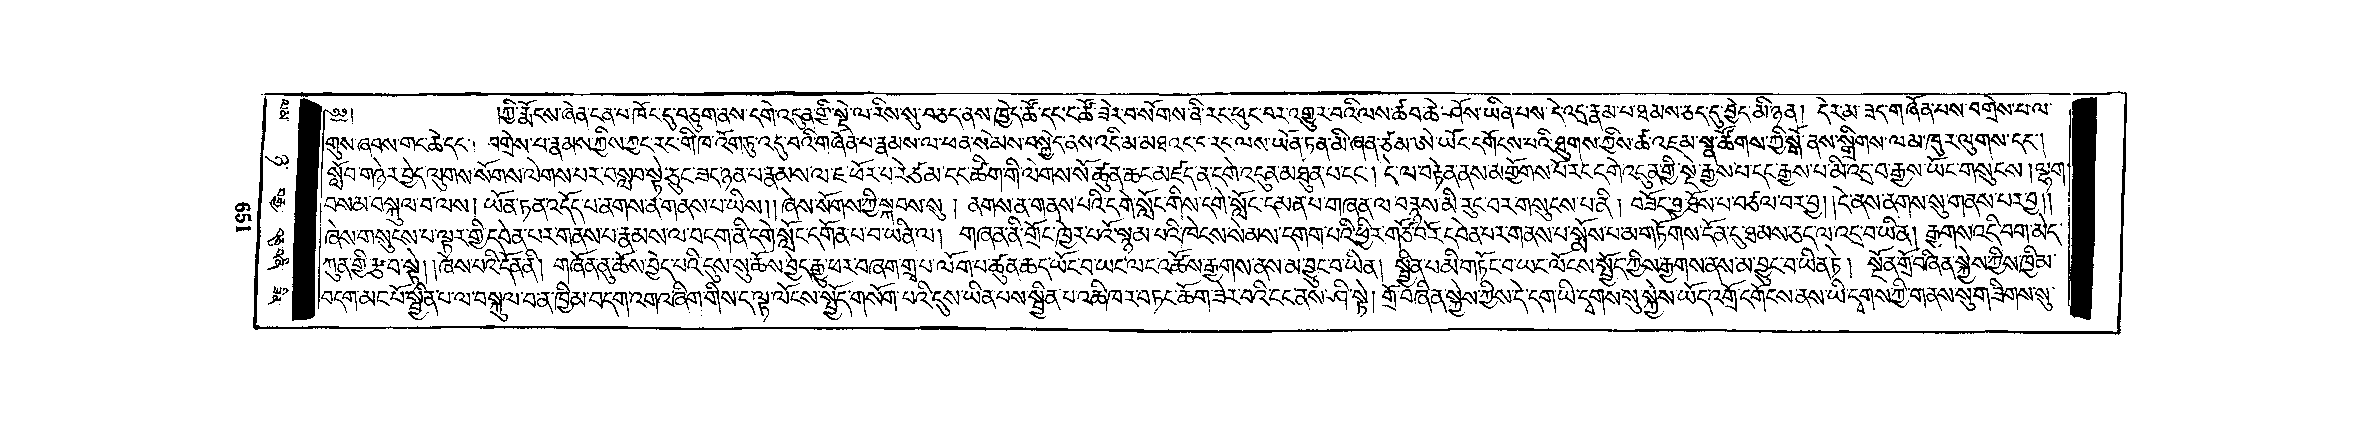༄༅། །ཀྱི་རྨོངས་ཞེན་ངན་པ་ཁོང་དུ་བཅུག་ནས་དགེ་འདུན་གྱི་སྡེ་ལ་རིས་སུ་བཅད་ནས་ཁྱེད་ཚོ་དང་ང་ཚོ་ཟེར་བ་སོགས་ནི་རང་ཕུང་བར་འགྱུར་བའི་ལས་ཚབ་ཆེ་ཤོས་ཡིན་པས་དེ་འདྲ་རྣམ་པ་ཐམས་ཅད་དུ་བྱེད་མི་ཉན། དེར་མ་ཟད་གཞོན་པས་བགྲེས་པ་ལ་
གུས་ཞབས་གང་ཆེ་དང་། བགྲེས་པ་རྣམས་ཀྱིས་ཀྱང་རང་གི་ཁ་འོག་ཏུ་འདུ་བའི་གཞོན་པ་རྣམས་ལ་ཕན་སེམས་བསྐྱེད་ནས་འདི་མ་མཐའ་དང་རང་ལས་ཡོན་ཏན་མི་ཞན་ཙམ་ཨེ་ཡོང་དགོངས་པའི་ཐུགས་ཀྱིས་ཚ་འཇམ་སྣ་ཚོགས་ཀྱི་སྒོ་ནས་སྒྲིགས་ལམ་ཁུར་ལུགས་དང་།
སློབ་གཉེར་བྱེད་ལུགས་སོགས་ལེགས་པར་བསླབ་སྟེ་ཅུང་ཟད་ཉན་པ་རྣམས་ལ་ཇ་ཕོར་པ་རེ་ཙམ་དང་ཚིག་གི་ལེགས་སོ་ཚུན་ཆད་མཛད་ན་དགེ་འདུན་མཐུན་པ་དང་། དེ་ལ་བརྟེན་ནས་མགྱོགས་པོ་རང་དགེ་འདུན་གྱི་སྡེ་རྒྱས་པ་དང་རྒྱས་པ་མི་འདྲ་བ་རྒྱས་ཡོང་གསུངས། ལྷག་
བསམ་བསྐུལ་བ་ལས། ཡོན་ཏན་འདོད་པ་ནགས་ན་གནས་པ་ཡིས། །ཞེས་སོགས་ཀྱི་སྐབས་སུ། ནགས་ན་གནས་པའི་དགེ་སློང་གིས་དགེ་སློང་དམན་པ་གཞན་ལ་བརྙས་མི་རུང་བར་གསུངས་པ་ནི། བཟོད་བྱ་ཐོས་པ་བཙལ་བར་བྱ། །དེ་ནས་ནགས་སུ་གནས་པར་བྱ། །
ཞེས་གསུངས་པ་ལྟར་གྱི་དབེན་པར་གནས་པ་རྣམས་ལ་བདག་ནི་དགེ་སློང་དགོན་པ་བ་ཡིན་ལ། གཞན་ནི་གྲོང་ཁྱེར་པའོ་སྙམ་པའི་ཁེངས་སེམས་དགག་པའི་ཕྱིར་གཙོ་བོར་དབེན་པར་གནས་པ་སྨོས་པ་མ་གཏོགས་དོན་དུ་ཐམས་ཅད་ལ་འདྲ་བ་ཡིན། རྒྱགས་འདི་བག་མེད་ཀུན་གྱི་རྩ་བ་སྟེ། །ཞེས་པའི་དོན་ནི། གཞོན་ནུ་ཆོས་བྱེད་པའི་དུས་སུ་ཆོས་བྱེད་རྒྱུ་ཕར་བཞག་གྲྭ་པ་ལོག་པ་ཚུན་ཆད་ཡོང་བ་ཡང་ལང་འཚོས་རྒྱགས་ནས་མ་བྱུང་བ་ཡིན། སྦྱིན་པ་མི་གཏོང་བ་ཡང་ལོངས་སྤྱོད་ཀྱིས་རྒྱགས་ནས་མ་བྱུང་བ་ཡིན་ཏེ། སྔོན་གྲོ་བཞིན་སྐྱེས་ཀྱིས་ཁྱིམ་
བདག་མང་པོ་སྦྱིན་པ་ལ་བསྐུལ་བ་ན་ཁྱིམ་བདག་འགའ་ཞིག་གིས་ད་ལྟ་ལོངས་སྤྱོད་གསོག་པའི་དུས་ཡིན་པས་སྦྱིན་པ་འཆི་ཁར་བཏང་ཆོག་ཟེར་བའི་ངང་ནས་ཤི་སྟེ། གྲོ་བཞིན་སྐྱེས་ཀྱིས་དེ་དག་ཡི་དྭགས་སུ་སྐྱེས་ཡོད་འགྲོ་དགོངས་ནས་ཡི་དྭགས་ཀྱི་གནས་སུ་གཟིགས་སུ་